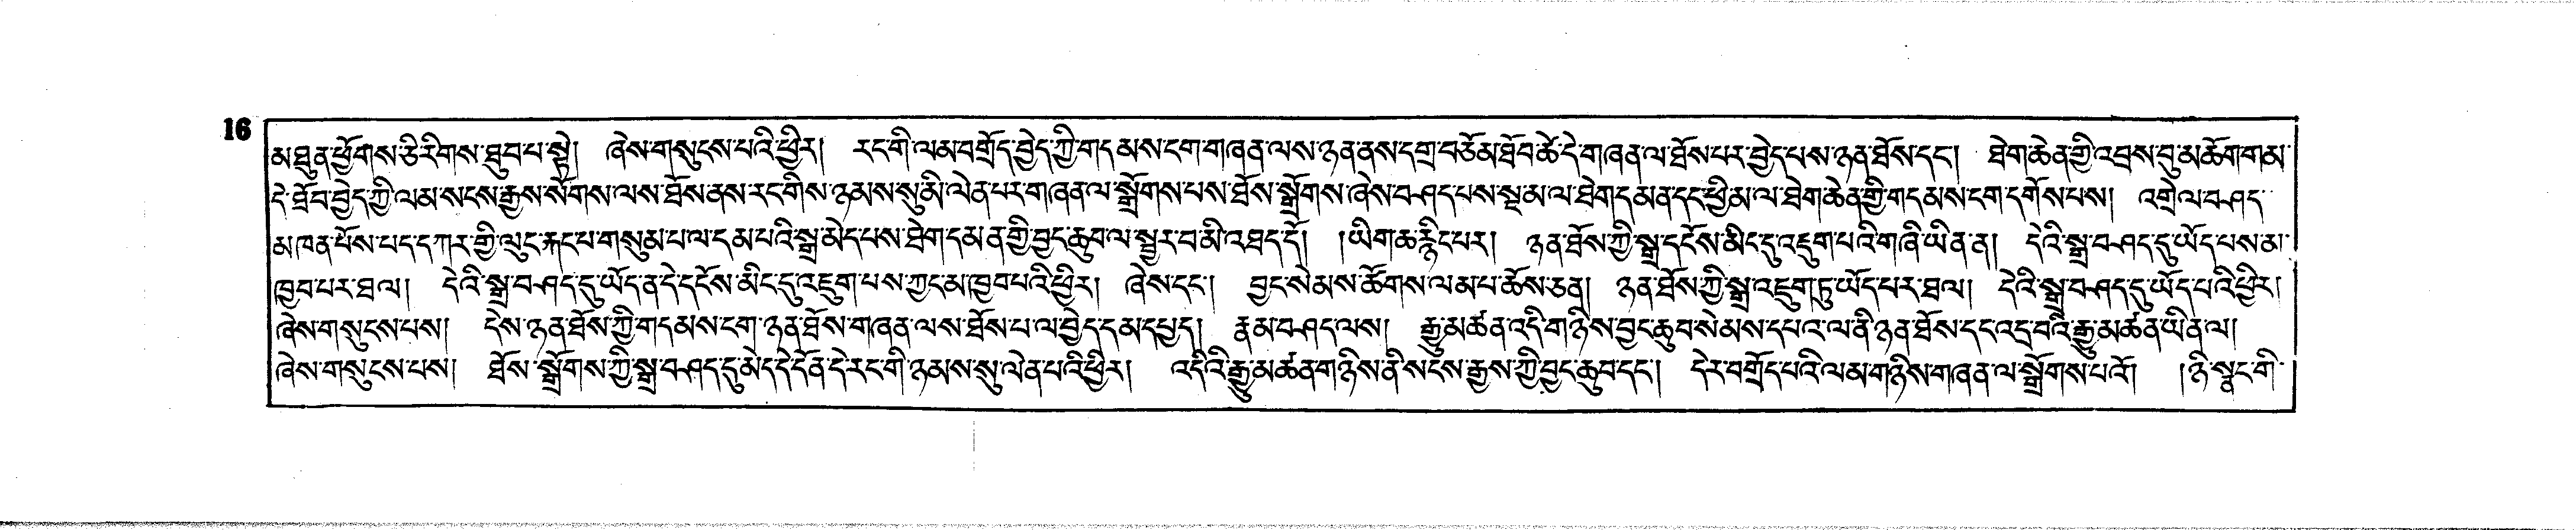མཐུན་ཕྱོགས་ཅི་རིགས་ཐུབ་པ་སྟེ། ཞེས་གསུངས་པའི་ཕྱིར། རང་གི་ལམ་བགྲོད་བྱེད་ཀྱི་གདམས་ངག་གཞན་ལས་ཉན་ནས་དགྲ་བཅོམ་ཐོབ་ཚེ་དེ་གཞན་ལ་ཐོས་པར་བྱེད་པས་ཉན་ཐོས་དང་། ཐེག་ཆེན་གྱི་འབྲས་བུ་མཆོག་གམ་
དེ་ཐོབ་བྱེད་ཀྱི་ལམ་སངས་རྒྱས་སོགས་ལས་ཐོས་ནས་རང་གིས་ཉམས་སུ་མི་ལེན་པར་གཞན་ལ་སྒྲོགས་པས་ཐོས་སྒྲོགས་ཞེས་བཤད་པས་སྔ་མ་ལ་ཐེག་དམན་དང་ཕྱི་མ་ལ་ཐེག་ཆེན་གྱི་གདམས་ངག་དགོས་པས། འགྲེལ་བཤད་
མཁན་པོས་པད་དཀར་གྱི་ལུང་རྐང་པ་གསུམ་པ་ལ་དམ་པའི་སྒྲ་མེད་པས་ཐེག་དམན་གྱི་བྱང་ཆུབ་ལ་སྦྱར་བ་མི་འཐད་དོ། །ཡིག་ཆ་རྙིང་པར། ཉན་ཐོས་ཀྱི་སྒྲ་དངོས་མིང་དུ་འཇུག་པའི་གཞི་ཡིན་ན། དེའི་སྒྲ་བཤད་དུ་ཡོད་པས་མ་
ཁྱབ་པར་ཐལ། དེའི་སྒྲ་བཤད་དུ་ཡོད་ན་དེ་དངོས་མིང་དུ་འཇུག་པས་ཀྱང་མ་ཁྱབ་པའི་ཕྱིར། ཞེས་དང་། བྱང་སེམས་ཚོགས་ལམ་པ་ཆོས་ཅན། ཉན་ཐོས་ཀྱི་སྒྲ་འཇུག་ཏུ་ཡོད་པར་ཐལ། དེའི་སྒྲ་བཤད་དུ་ཡོད་པའི་ཕྱིར།
ཞེས་གསུངས་པས། དེས་ཉན་ཐོས་ཀྱི་གདམས་ངག་ཉན་ཐོས་གཞན་ལས་ཐོས་པ་ལ་བྱེད་དམ་དཔྱད། རྣམ་བཤད་ལས། རྒྱུ་མཚན་འདི་གཉིས་བྱང་ཆུབ་སེམས་དཔའ་ལ་ནི་ཉན་ཐོས་དང་འདྲ་བའི་རྒྱུ་མཚན་ཡིན་ལ།
ཞེས་གསུངས་པས། ཐོས་སྒྲོགས་ཀྱི་སྒྲ་བཤད་དུ་མེད་དེ་དོན་དེ་རང་གི་ཉམས་སུ་ལེན་པའི་ཕྱིར། འདིའི་རྒྱུ་མཚན་གཉིས་ནི་སངས་རྒྱས་ཀྱི་བྱང་ཆུབ་དང་། དེར་བགྲོད་པའི་ལམ་གཉིས་གཞན་ལ་སྒྲོགས་པའོ། །ཉི་སྣང་གི་